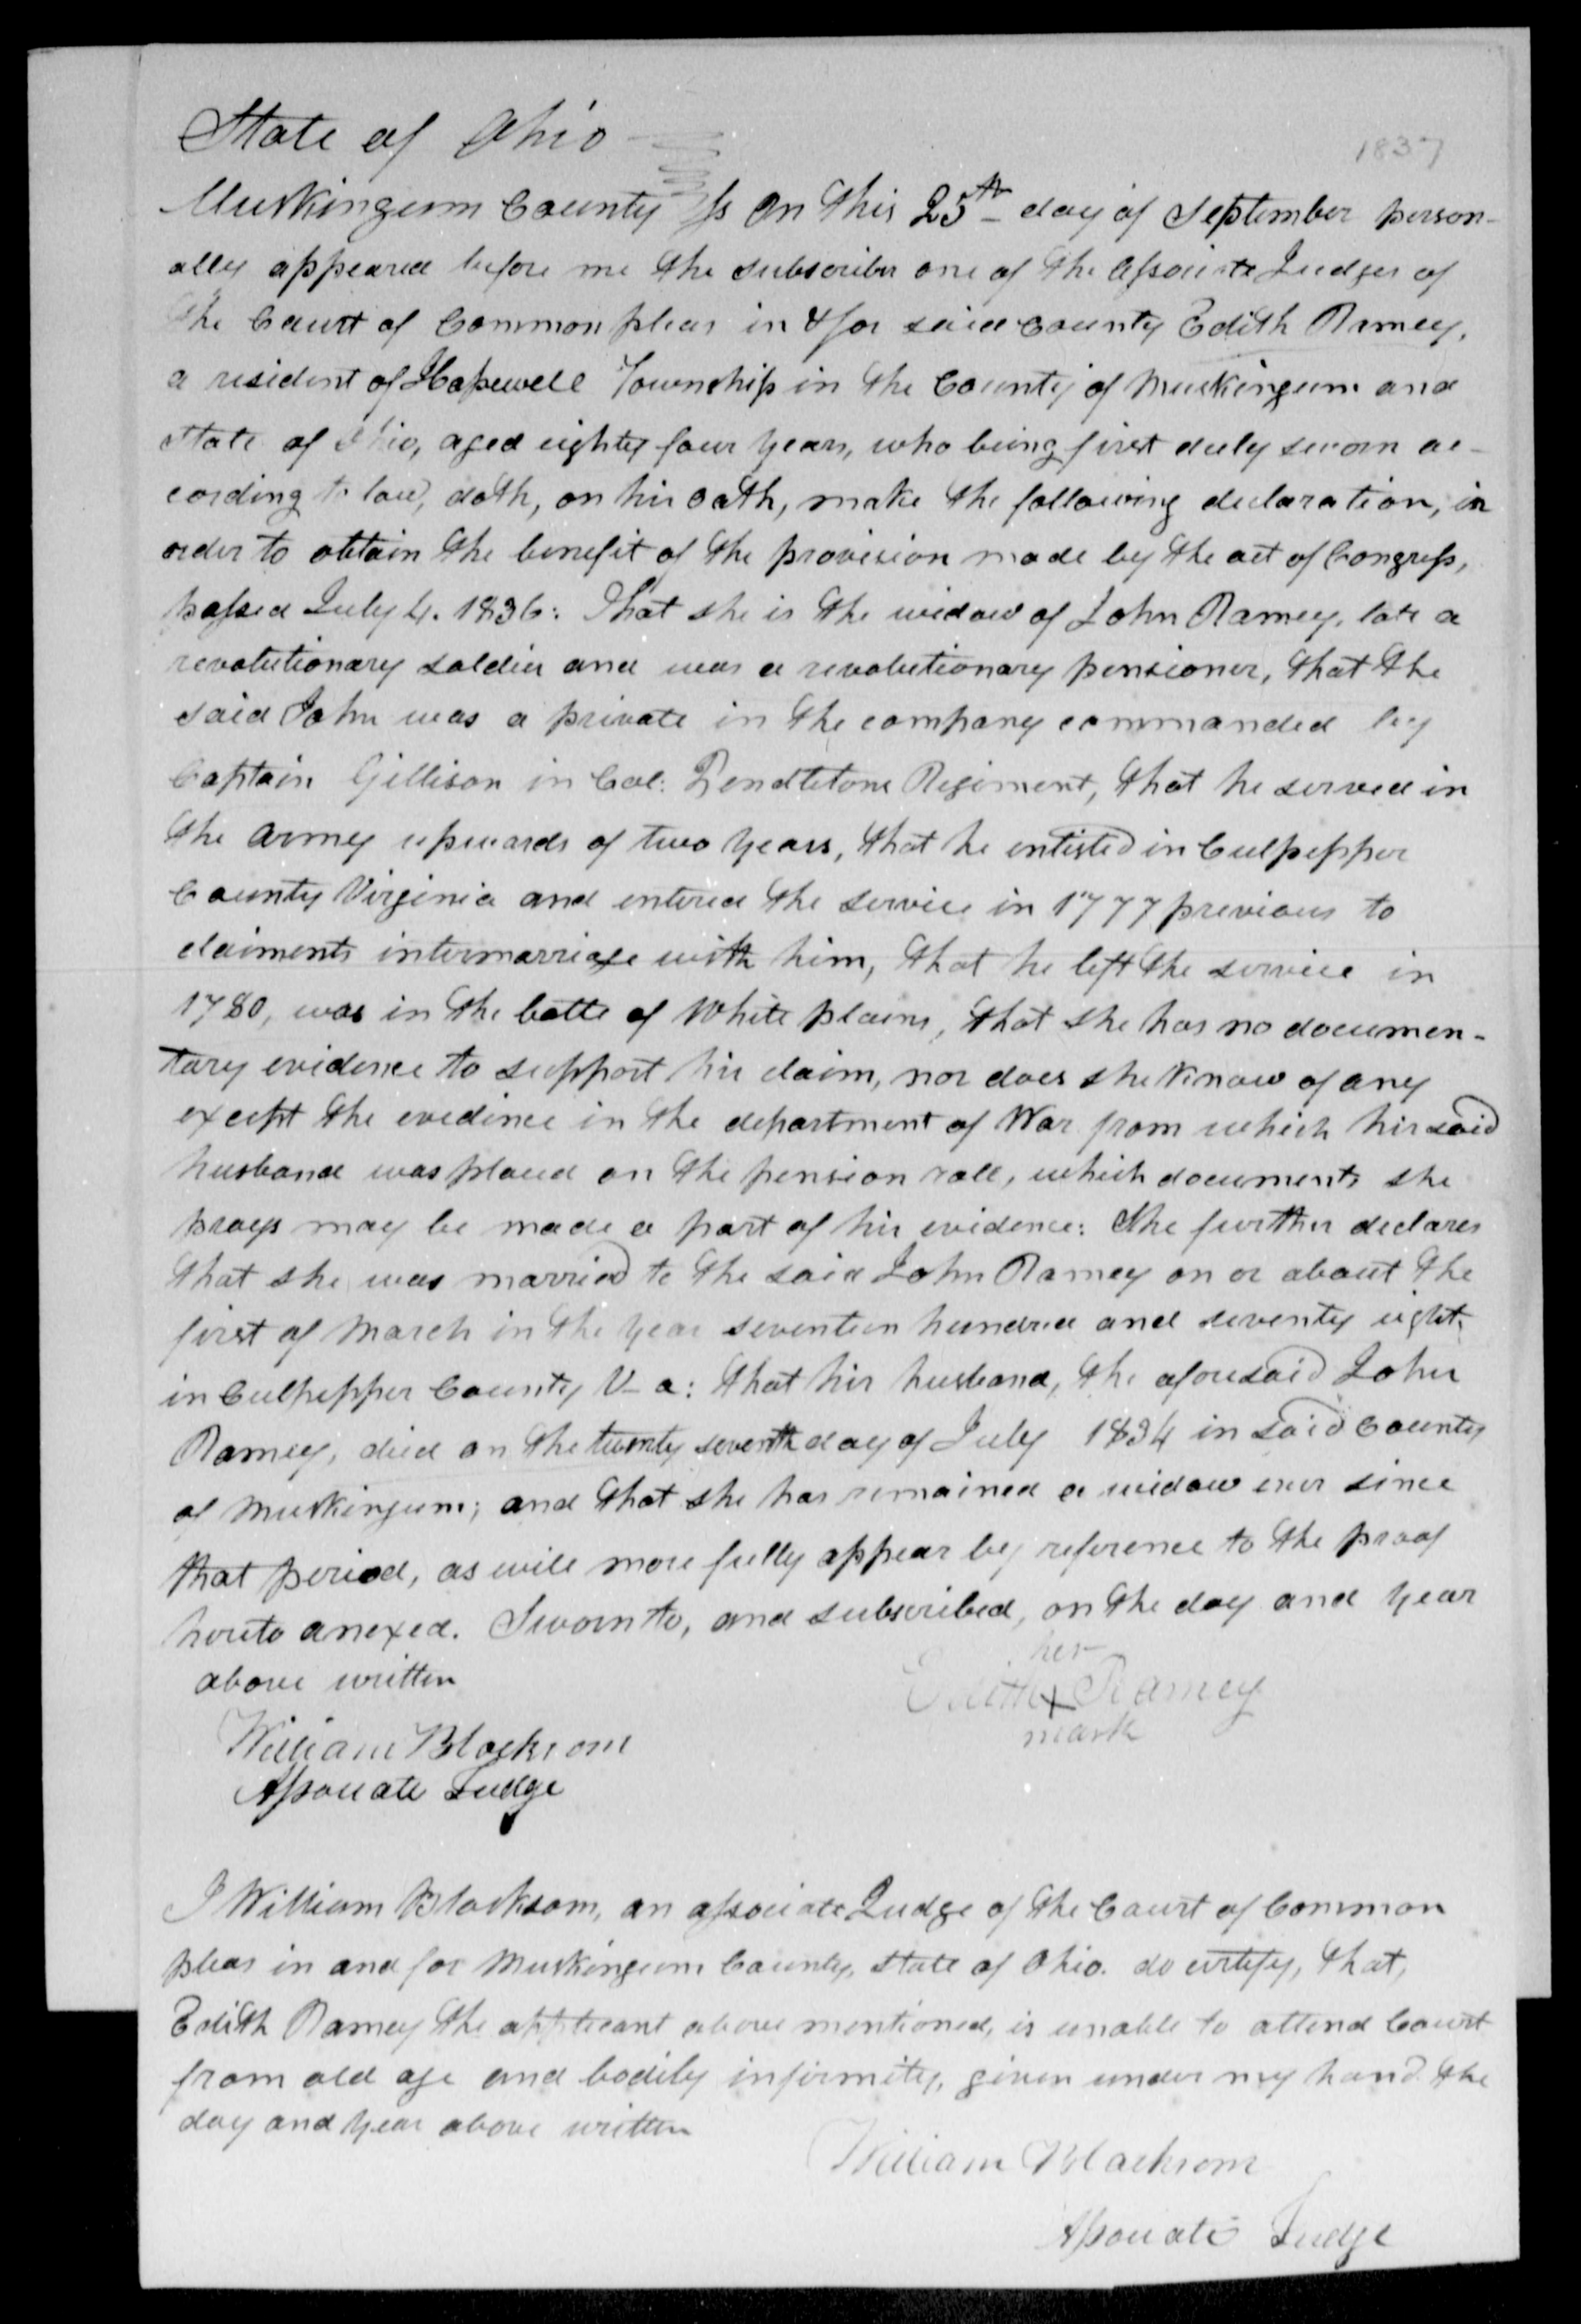State of Ohio 1837
Muskingum County ss On this 25th day of September personally appeared before me the subscriber one of the Associate Judges of the Court of Common Pleas in & for said County Edith Ramey, a resident of Hopewell Township in the County of Muskingum and state of Ohio, aged eighty four years, who being first duly sworn according to law, doth, on hir oath, make the following declaration, in order to obtain the benefit of the provision made by the act of Congress, passed July 4, 1836: That she is the widow of John Ramey, late a revolutionary soldier and was a revolutionary pensioner, that the said John was a private in the company commanded by Captain Gillison in Col: Pendletons Regiment, that he served in the Army upwards of two years, that he enlisted in Culpepper County Virginia and entered the service in 1777 previous to claimants intermarriage with him, that he left the service in 1780, was in the battle of White Plains, that she has no documentary evidence to support hir claim, nor does she know of any except the evidence in the department of War from which hir said husband was placed on the pension roll, which documents she prays may be made a part of hir evidence: She further declares that she was married to the said John Ramey on or about the first of March in the year seventeen hundred and seventy eight, in Culpepper County Va: That hir husband the aforesaid John Ramey, died on the twenty seventh day of July 1834 in said County at Muskingum; and that she has remained a widow ever since that period, as will more fully appear by reference to the proof hereto annexed. Sworn to, and subscribed, on the day and year above written
Edith Ramey x her mark
William Blocksom
Associate Judge

I William Blocksom, an associate Judge of the Court of Common Pleas in and for Muskingum County, State of Ohio, do certify, that, Edith Ramey the applicant above mentioned, is unable to attend Court from old age and bodily infirmity, given under my hand the day and year above written
William Blocksom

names: John [BLANK]; Edith Ramey; Edith Ramey; [BLANK] Gillison; John Ramey; William Blocksom; William Blocksom; William Blocksom; John Ramey; John Ramey; Edith Ramey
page: 11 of 84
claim: widow's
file: W.11104, for John Remay, Virginia